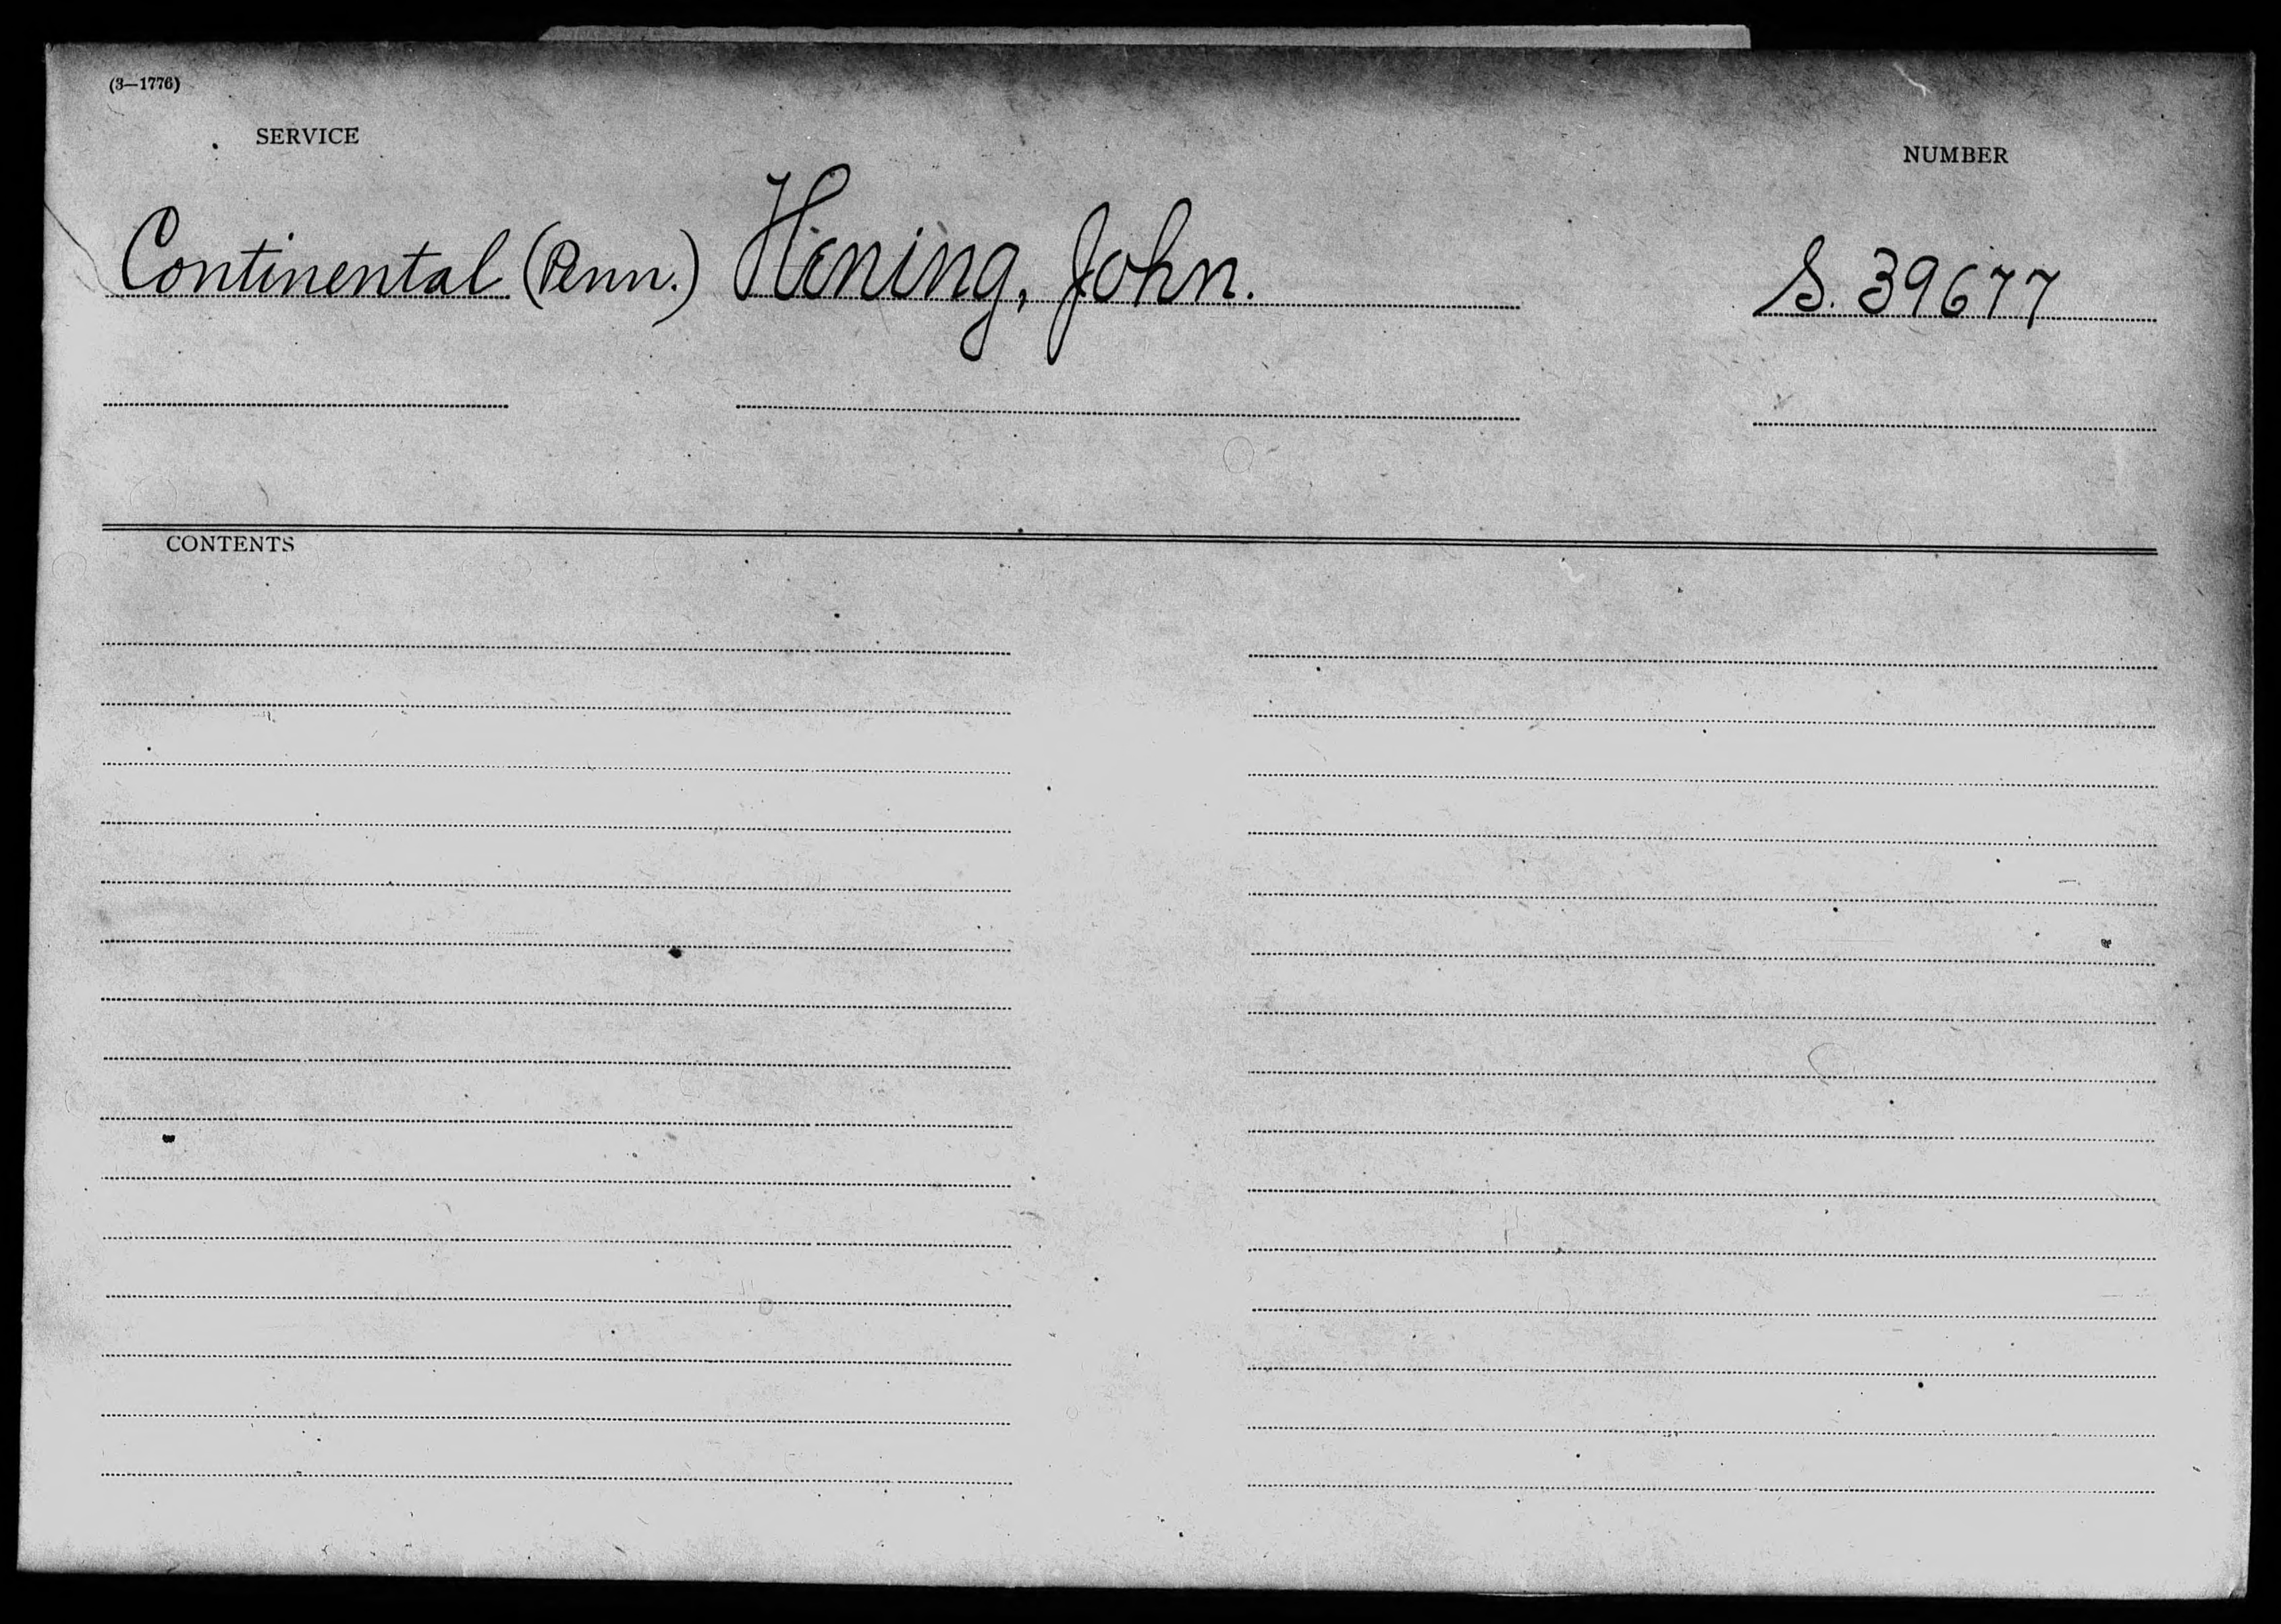Continental (Penn.) Hening, John.  S. 39677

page: 1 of 15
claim: survivor's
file: S. 39677, John Hening, Continental (Penn.)